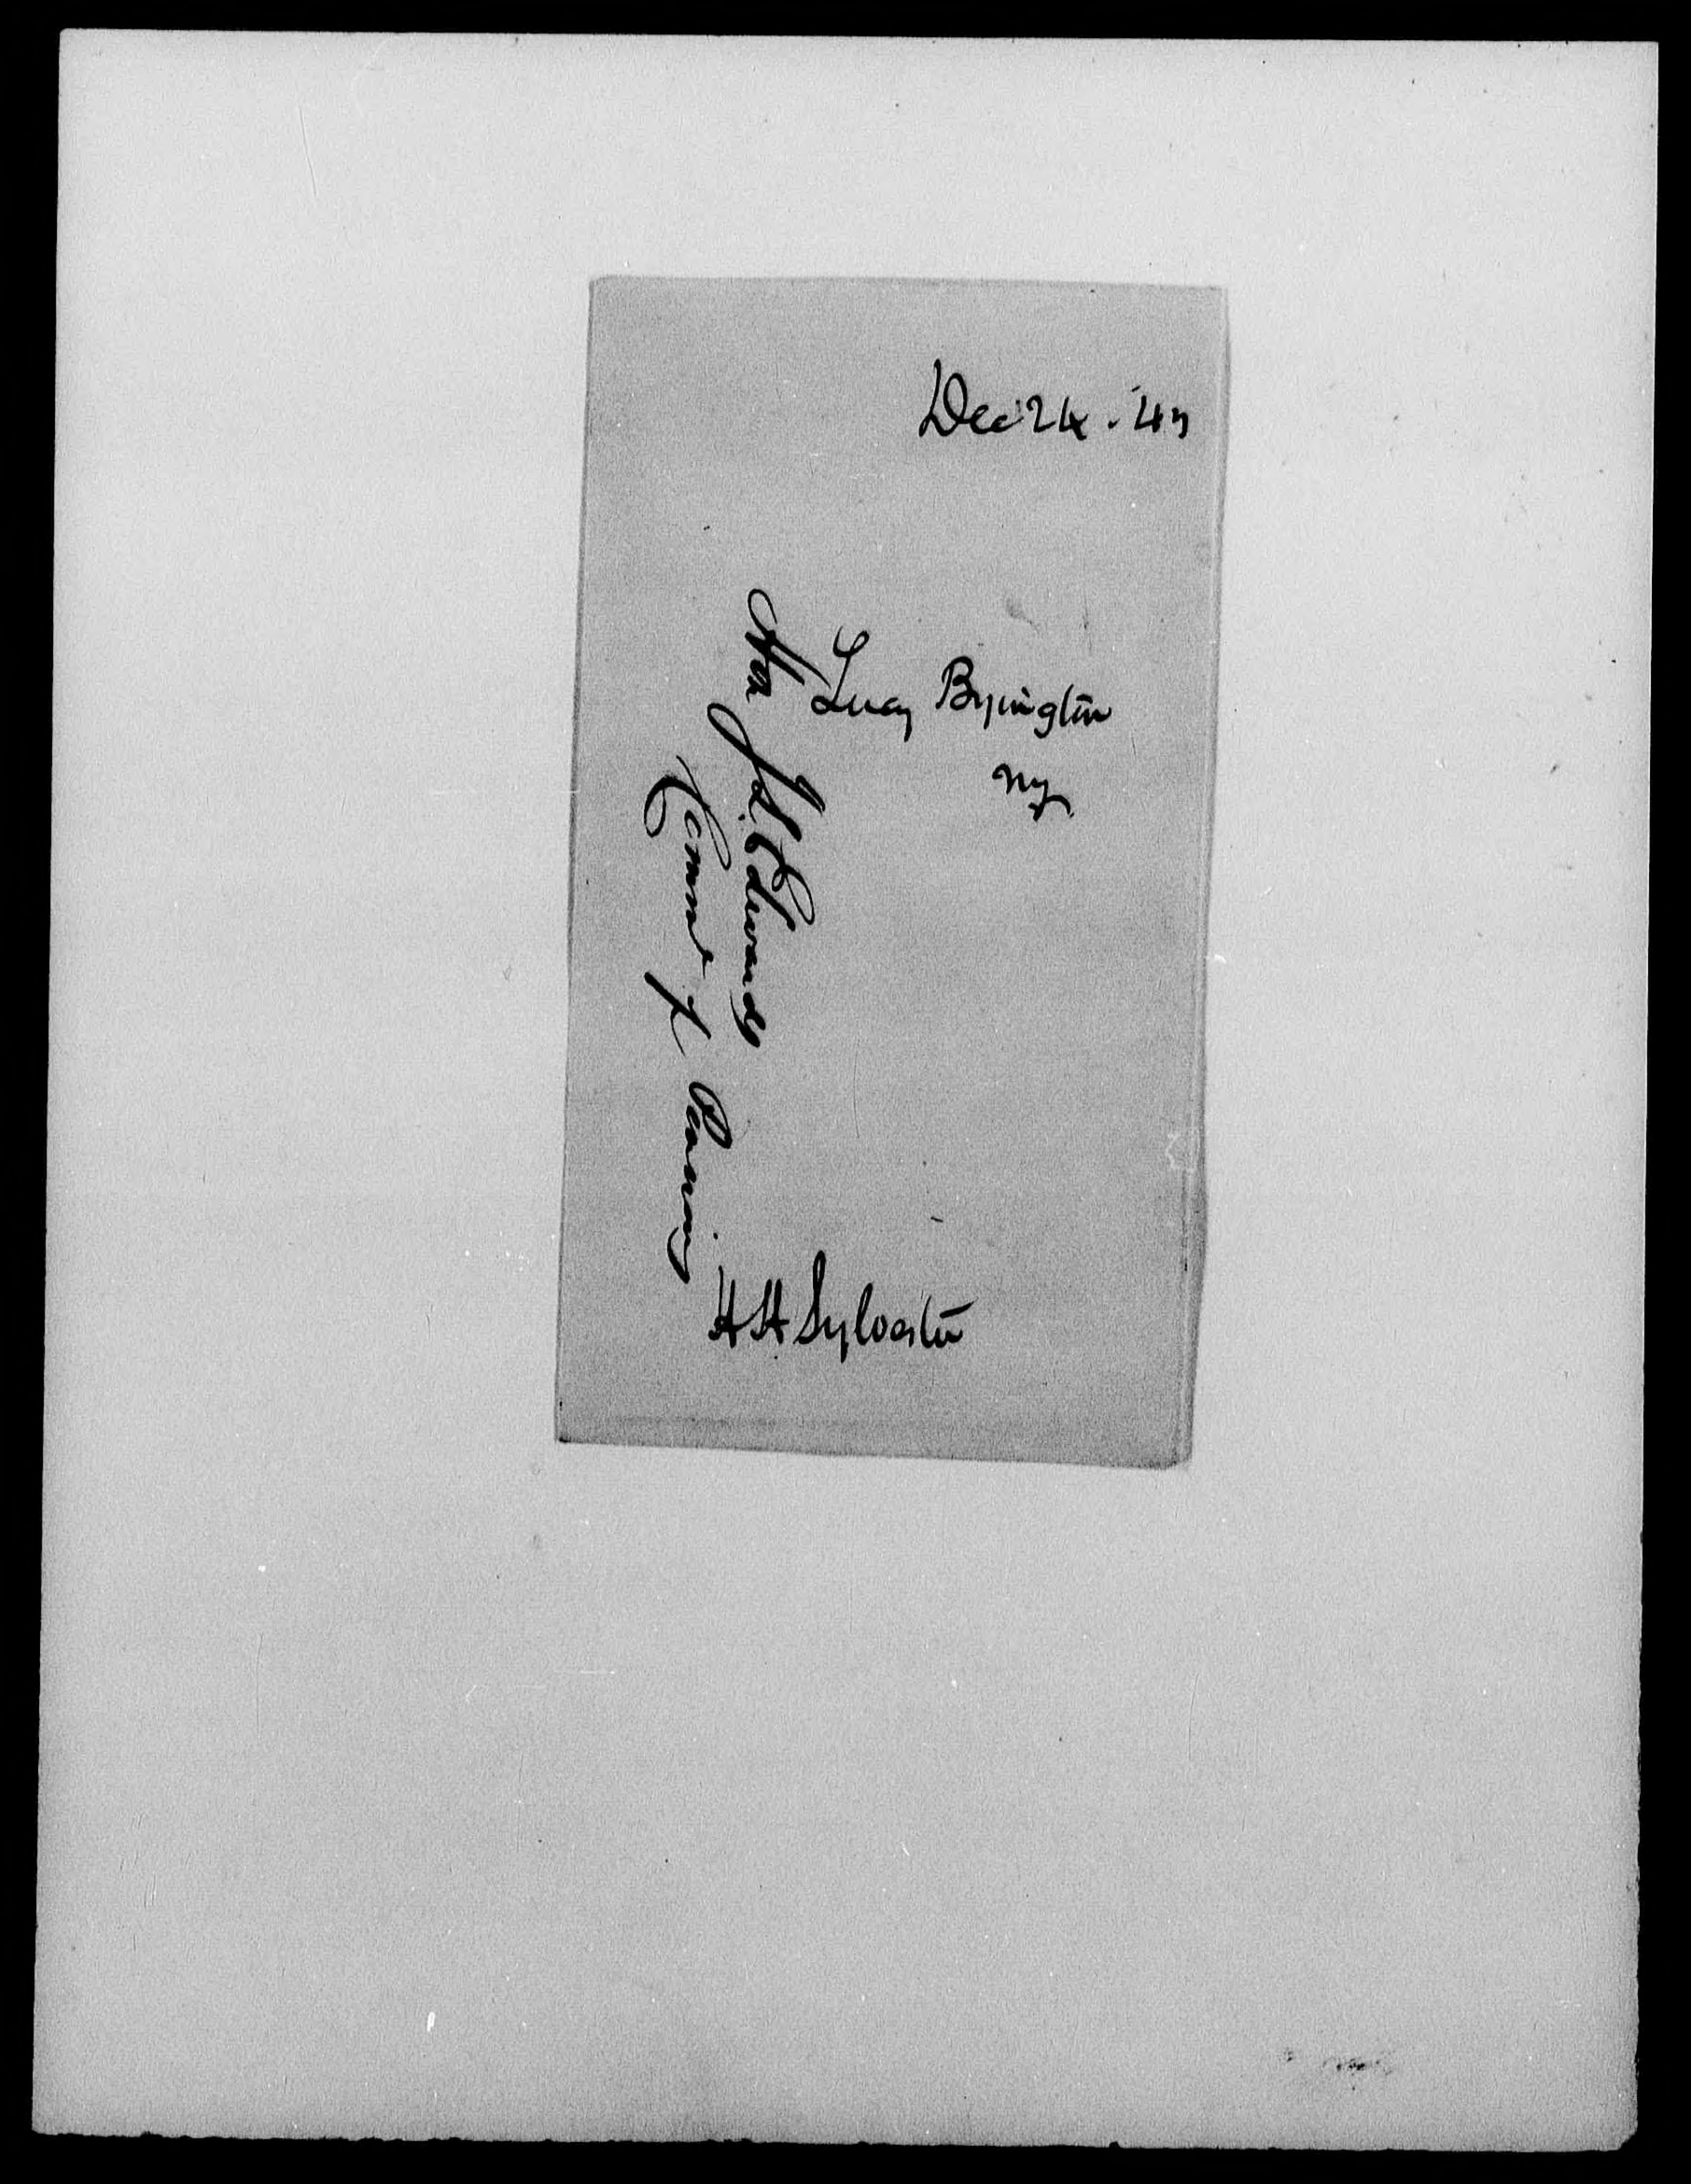Dec 24 43

Lucy Byington
NY

Hon J L Edwards
Commr of Pensions


HH Sylvester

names: Lucy Byington, H H Sylvester, J L Edwards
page: 25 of 79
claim: widow's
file: W. 23754, Justus Byington, Conn.